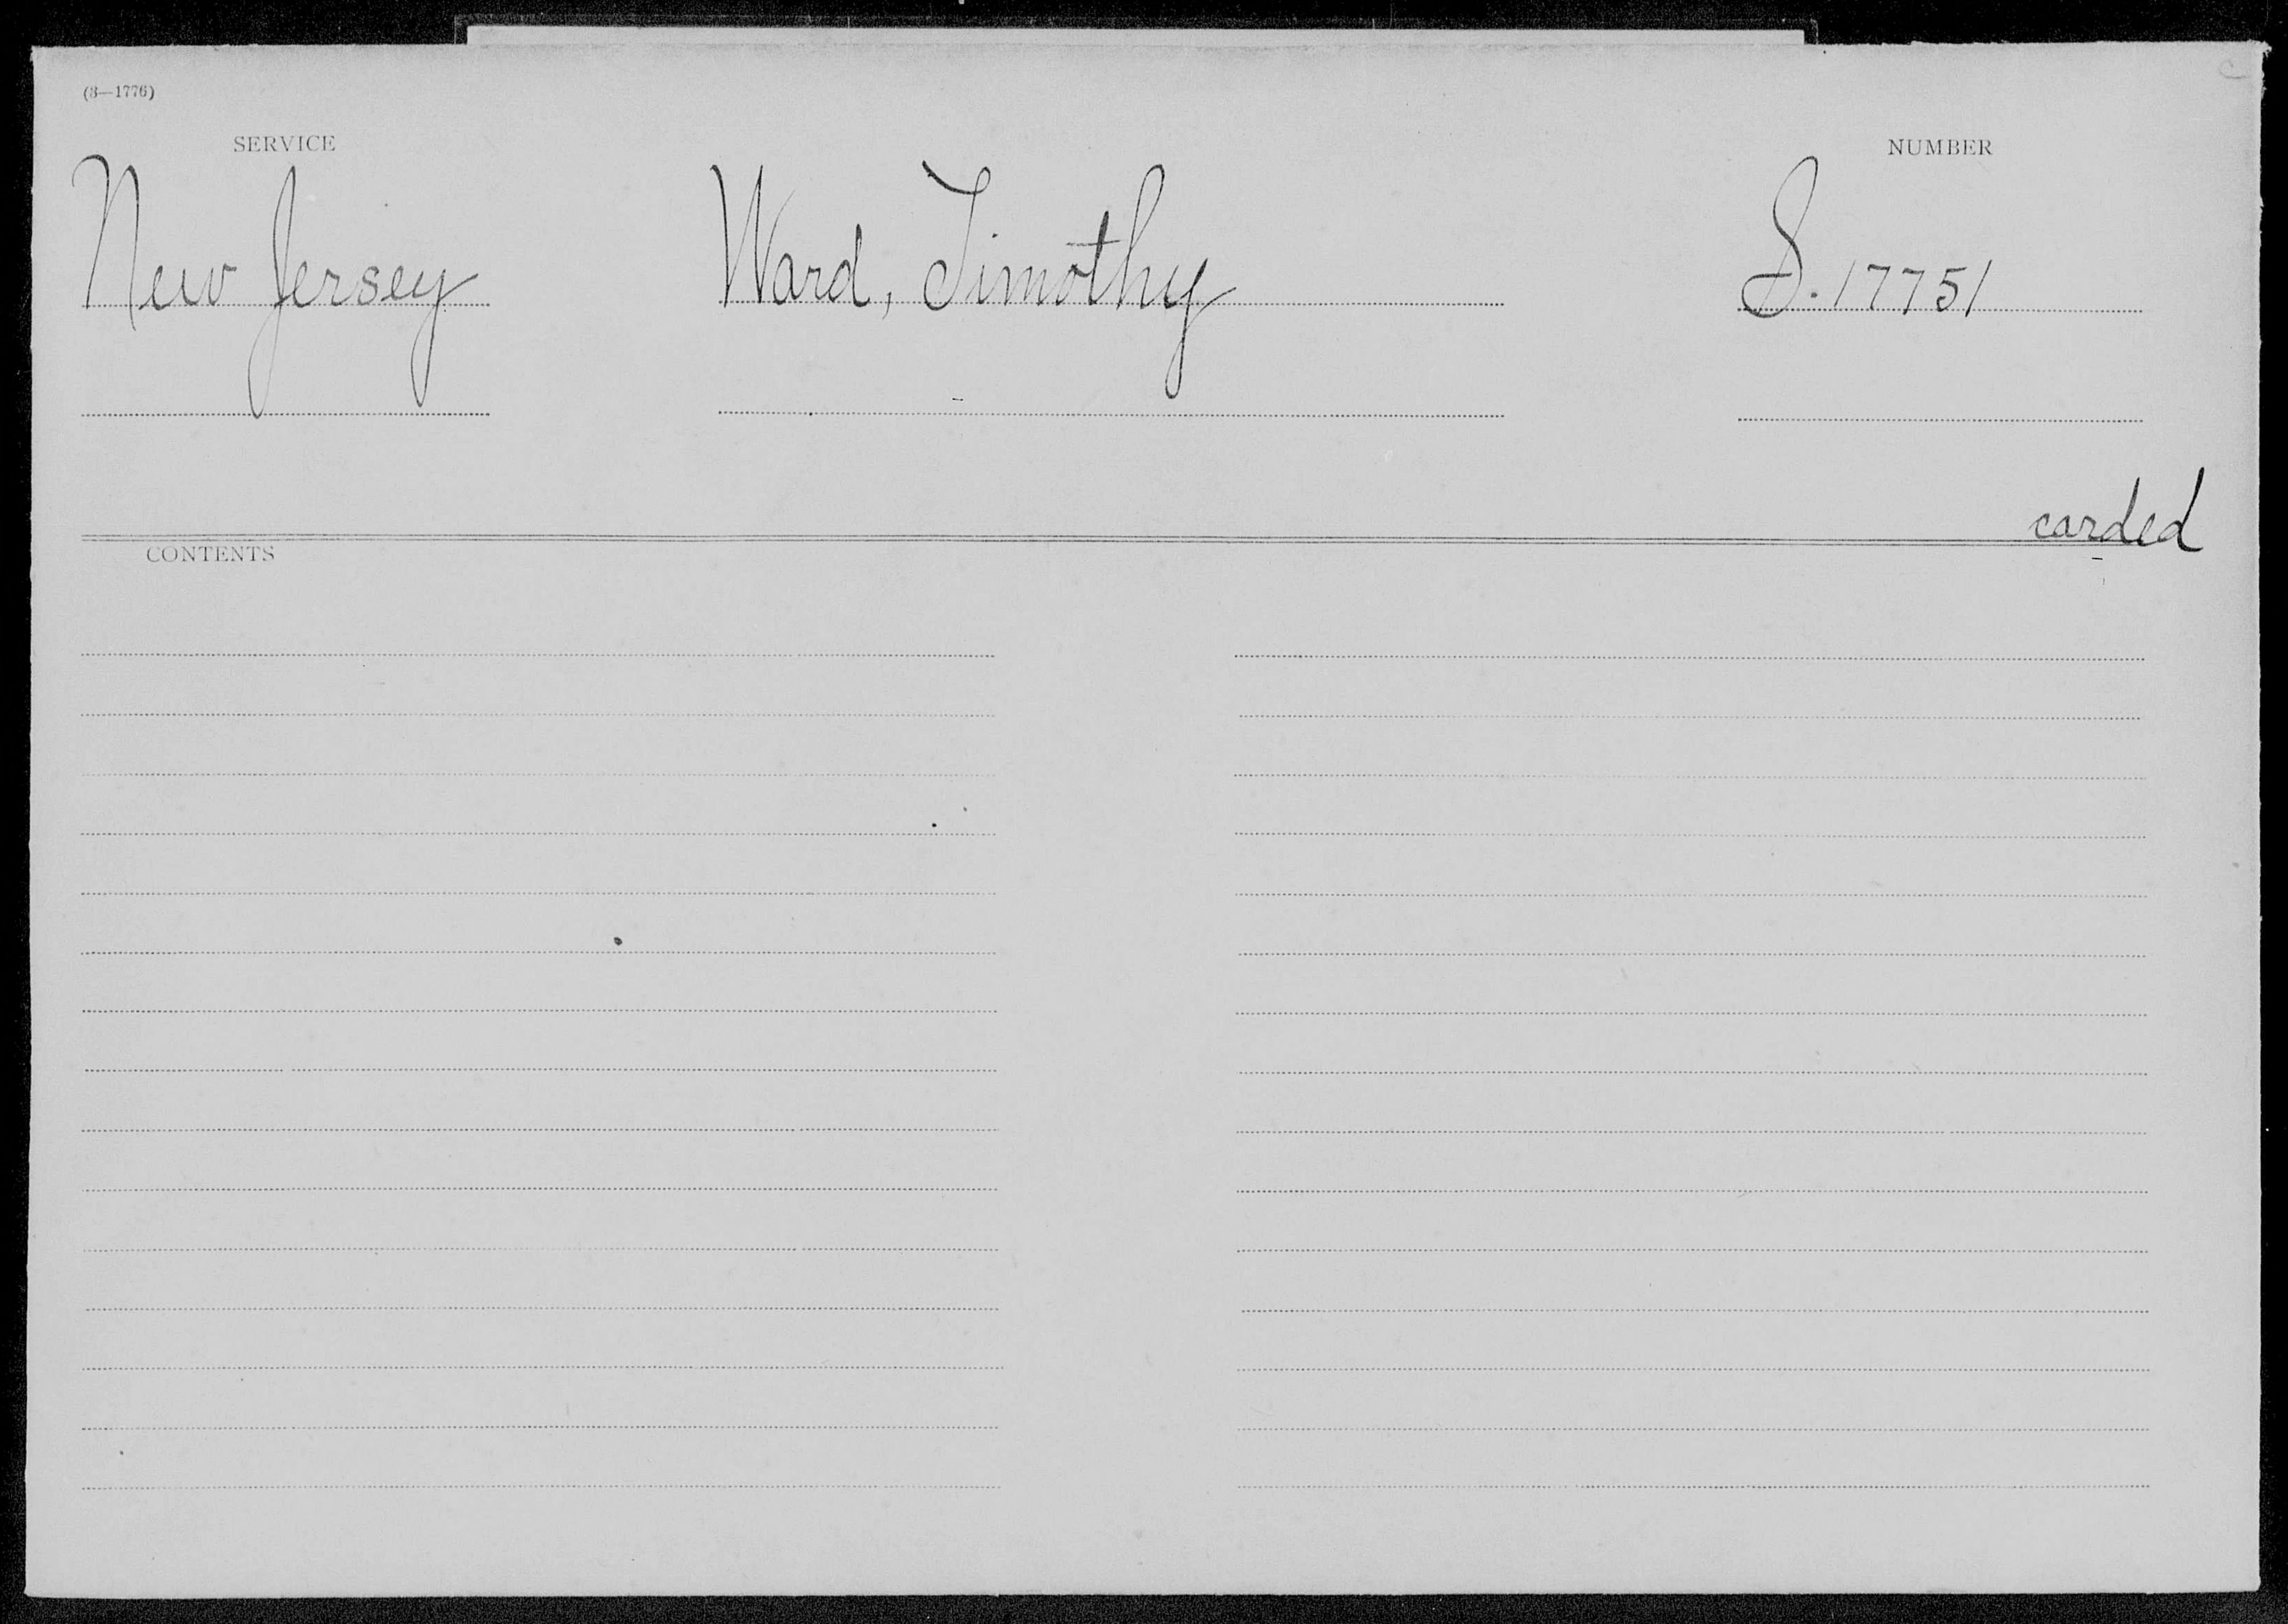(3-1776)
SERVICE     New Jersey

Ward, Timothy

NUMBER     S.17751

carded

CONTENTS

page: 1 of 24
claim: survivor's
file: S. 17751, Timothy Ward, New Jersey